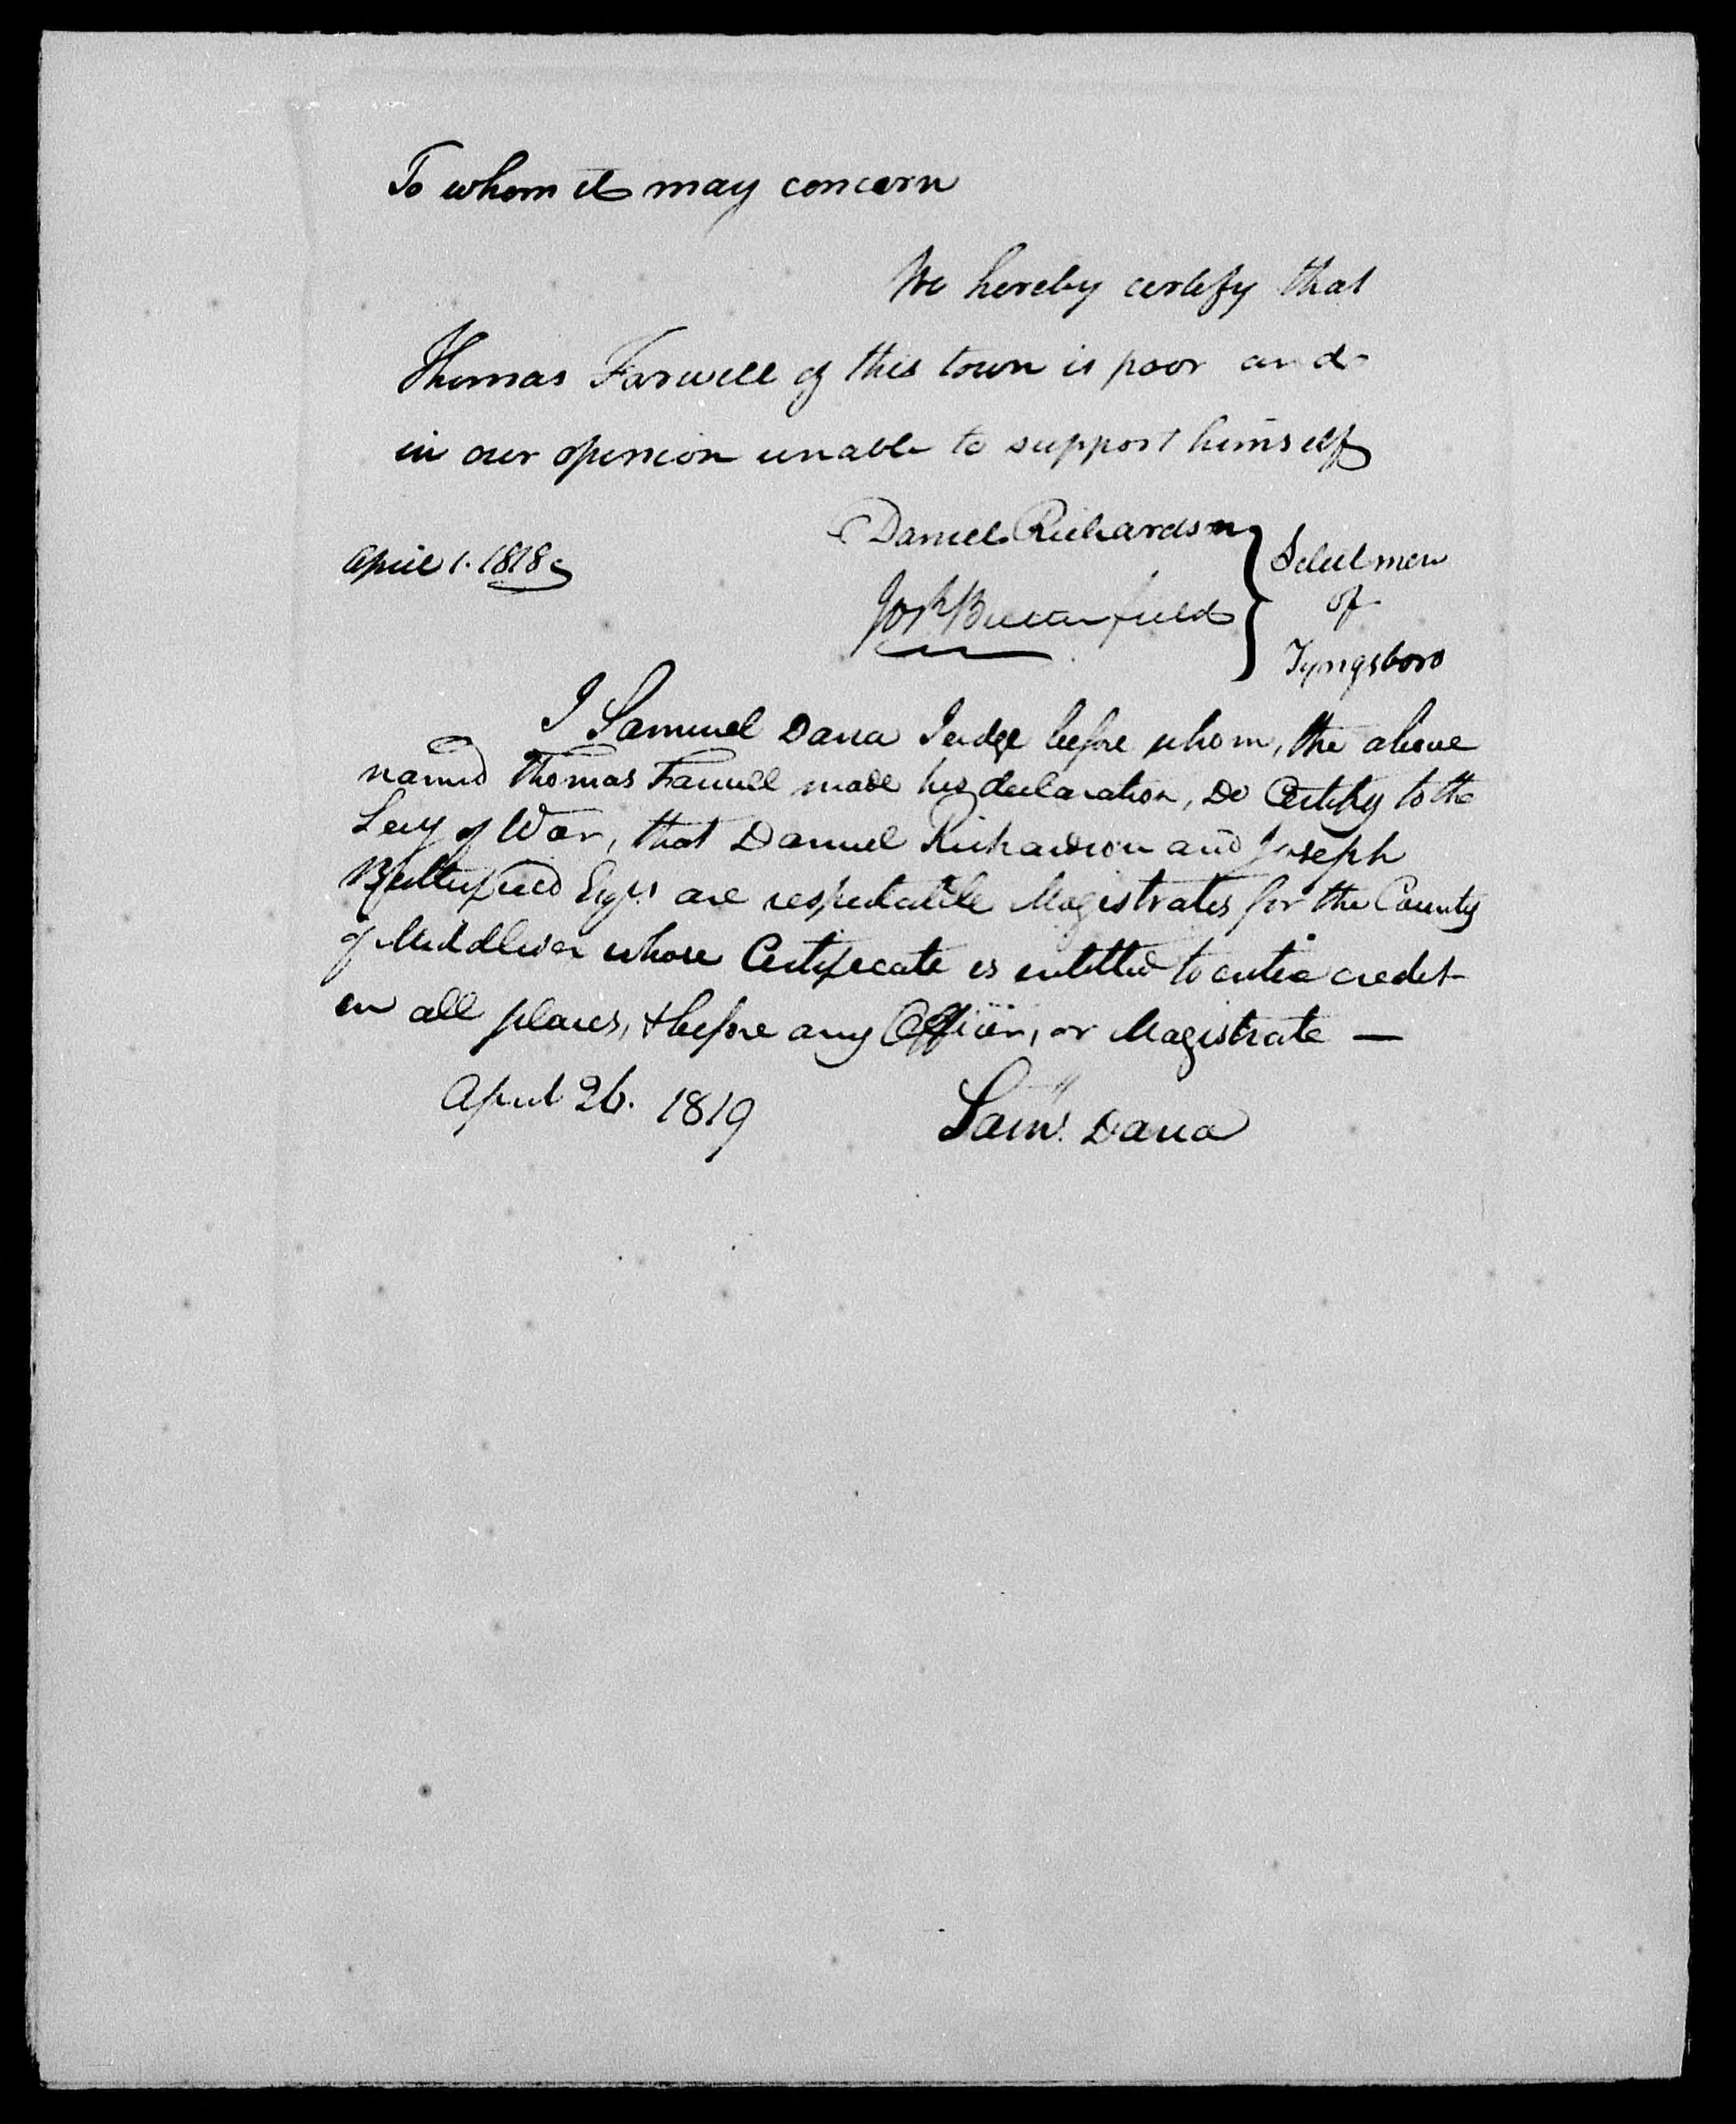To whom it may concern
We hereby certify that Thomas Farwell of this town is poor and in our opinion unable to support himself
April 1. 1818
Daniel Richardson } Select men of
Josh Butterfield } Tyngsboro
I Samuel Dana Judge before whom the above named Thomas Farwell made his declaration, Do certify to the day of War, that Daniel Richardson and Joseph Butterfield [illegible] are respectable Magistrates for the County of Middlesex whose Certificate is entitled to [illegible] credit in all places, & before any Officer, or Magistrate-
April 26. 1819 Sam. Dana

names: Saml Dana, Thomas Farwell, Daniel Richardson, Samuel Dana, Joseph Butterfield, Thomas Farwell, Josh Butterfield, Daniel Richardson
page: 13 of 18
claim: survivor's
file: S. 34,831, Thomas Farwell, Conn.